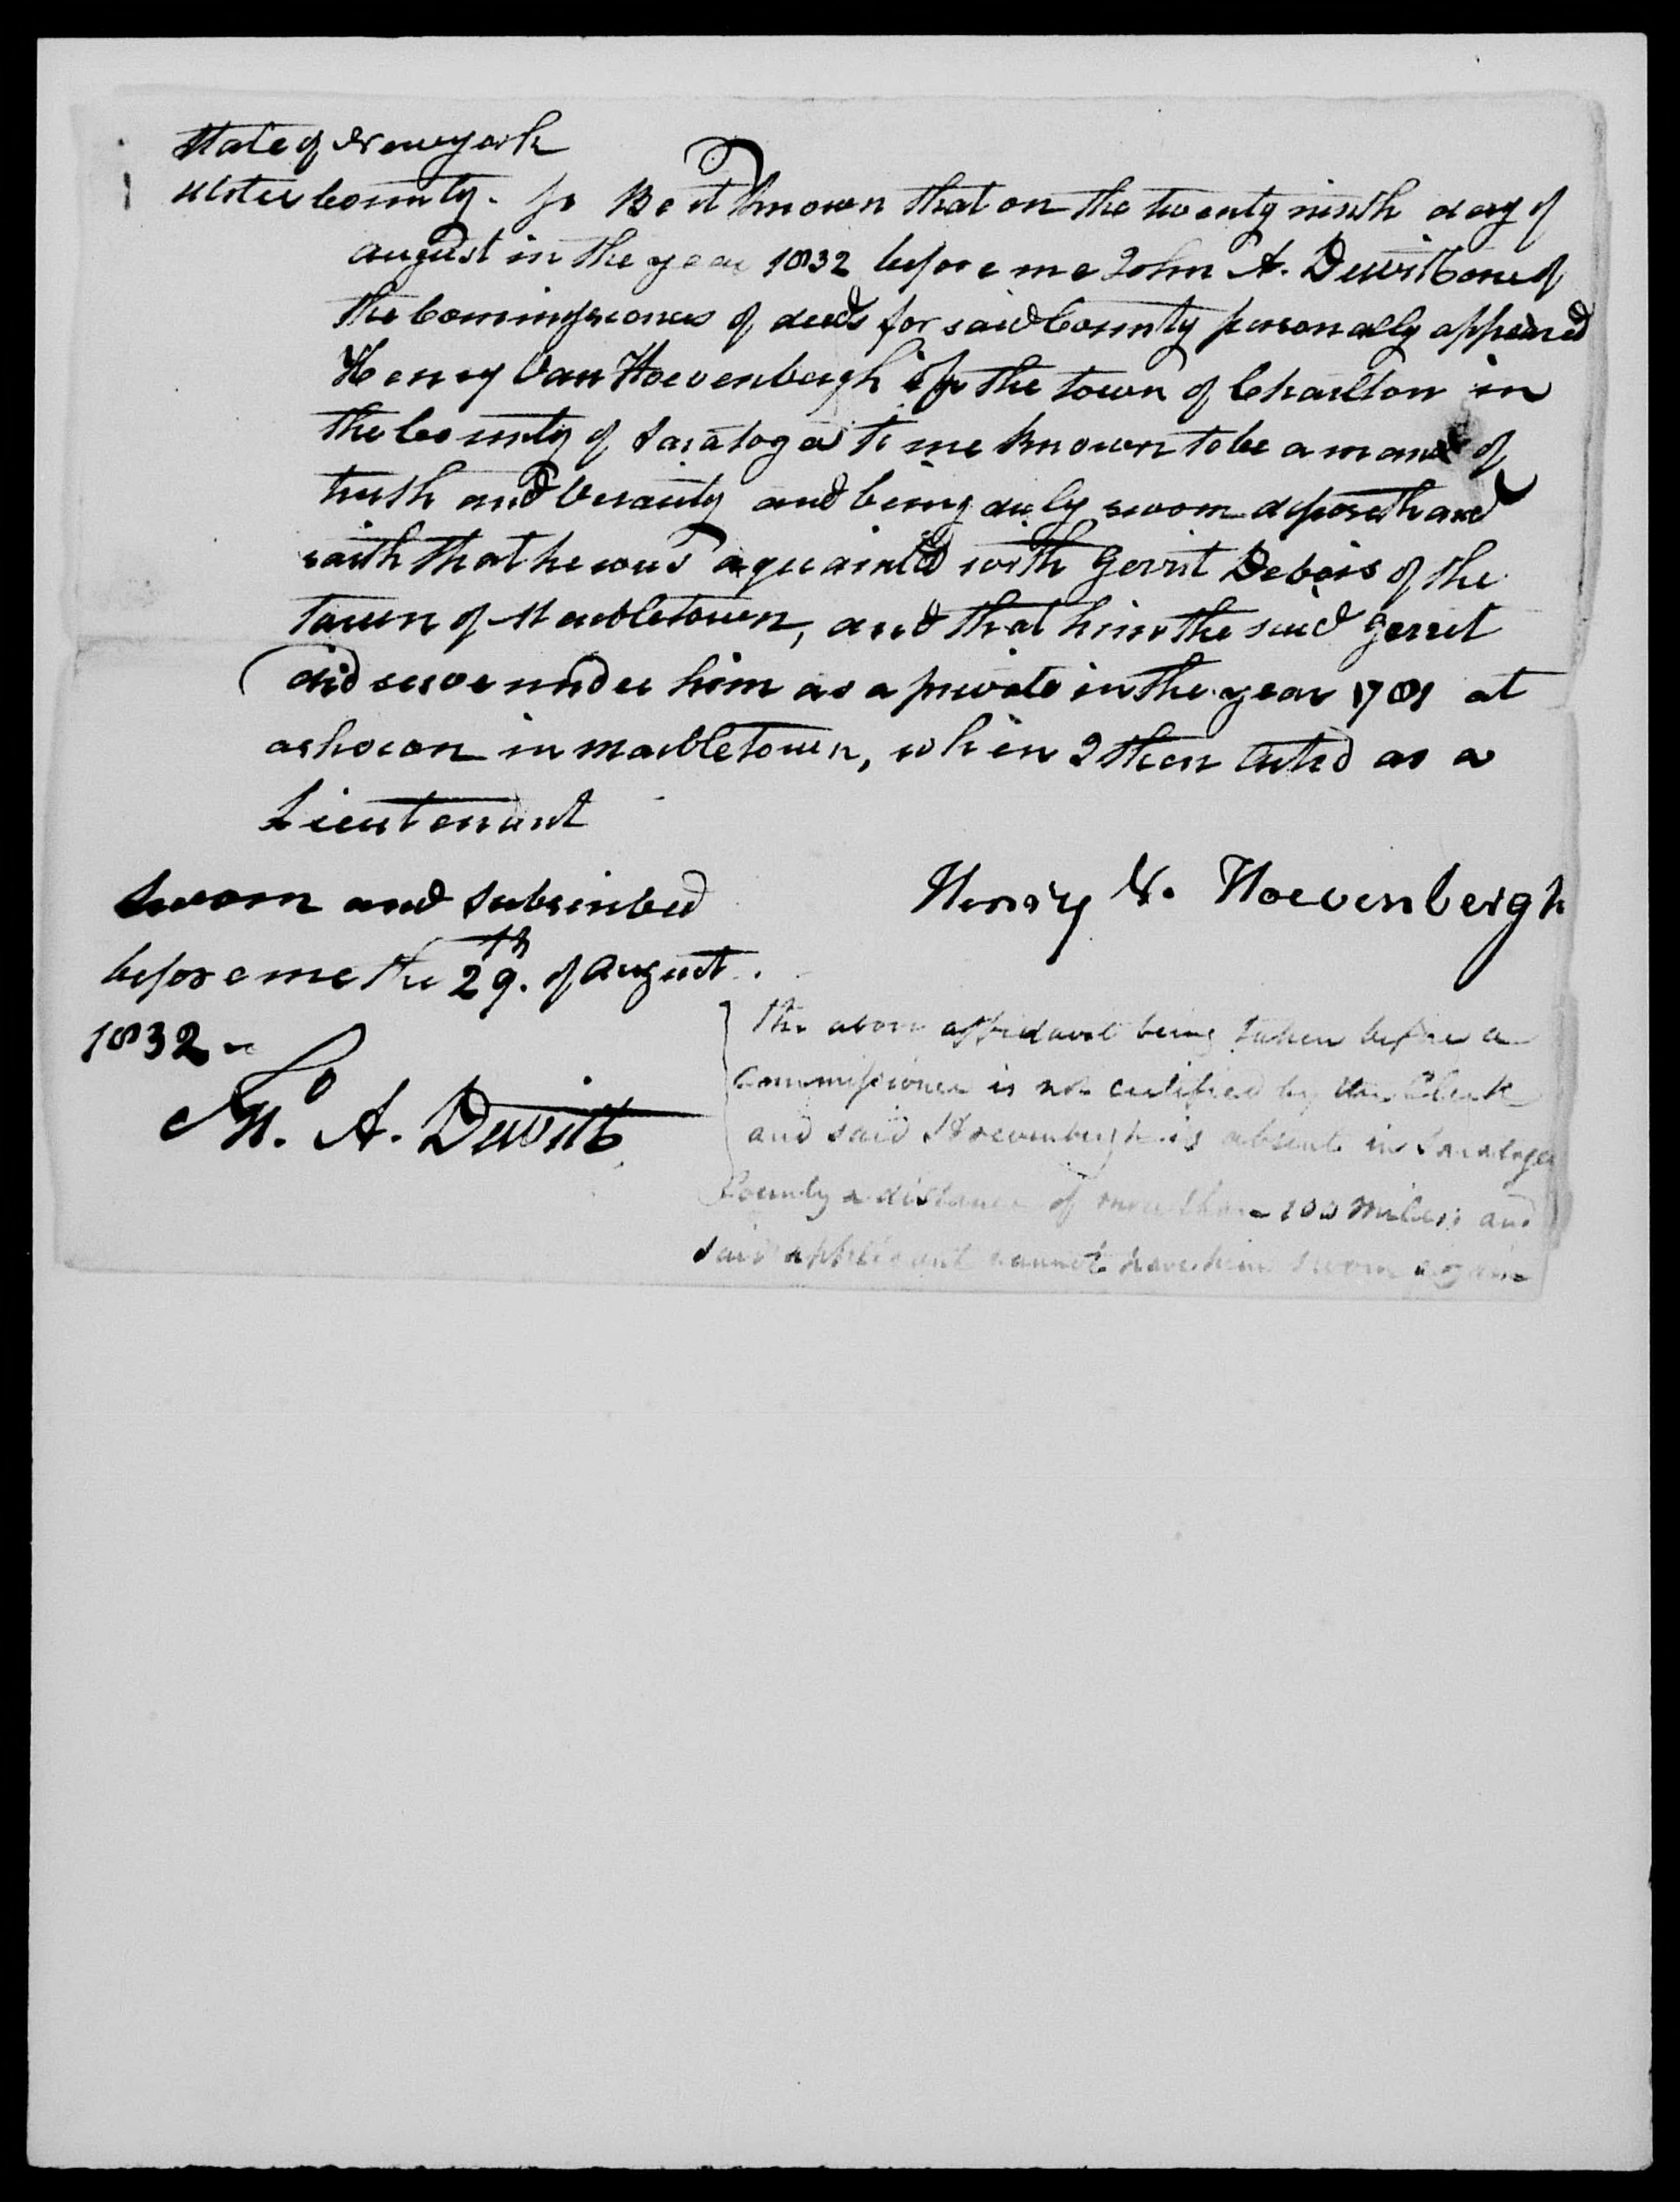State of New York
Ulster County ss    Be it known that on twenty ninth day of August in the year 1832 before me John A. Dewitt Court of the Commissioners of deeds for said County personally appeared Henry Van Hoevenbergh of the town of Charlton in the County of Saratoga to me known to be a man of truth and veracity and being duly sworn deposeth and saith that he was acquainted with Gerrit Dubois of the Town of Marbletown, and that him the said Gerrit did serve under him as a private in the year 1781 at Ashokan in Marbletown, when I then acted as a 
Lieutenant
[signed] Henry V. Hoevenbergh
Sworn and subscribed before me the 29 of August 1832
[signed] Jn A Dewitt

}the above affidavit being taken before a Commissioner is not certified by the Clerk and said Hoevenberg is absent in Saratoga County & distance of more than 100 miles, and said applicant cannot have him sworn again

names: Gerrit Debois, Gerrit, Henry V Hoevenbergh, John A Dewitt, Henry Van Hoevenbergh, Jno A Dewitt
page: 23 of 36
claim: widow's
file: W 20995, Gerrit Dubois, New York